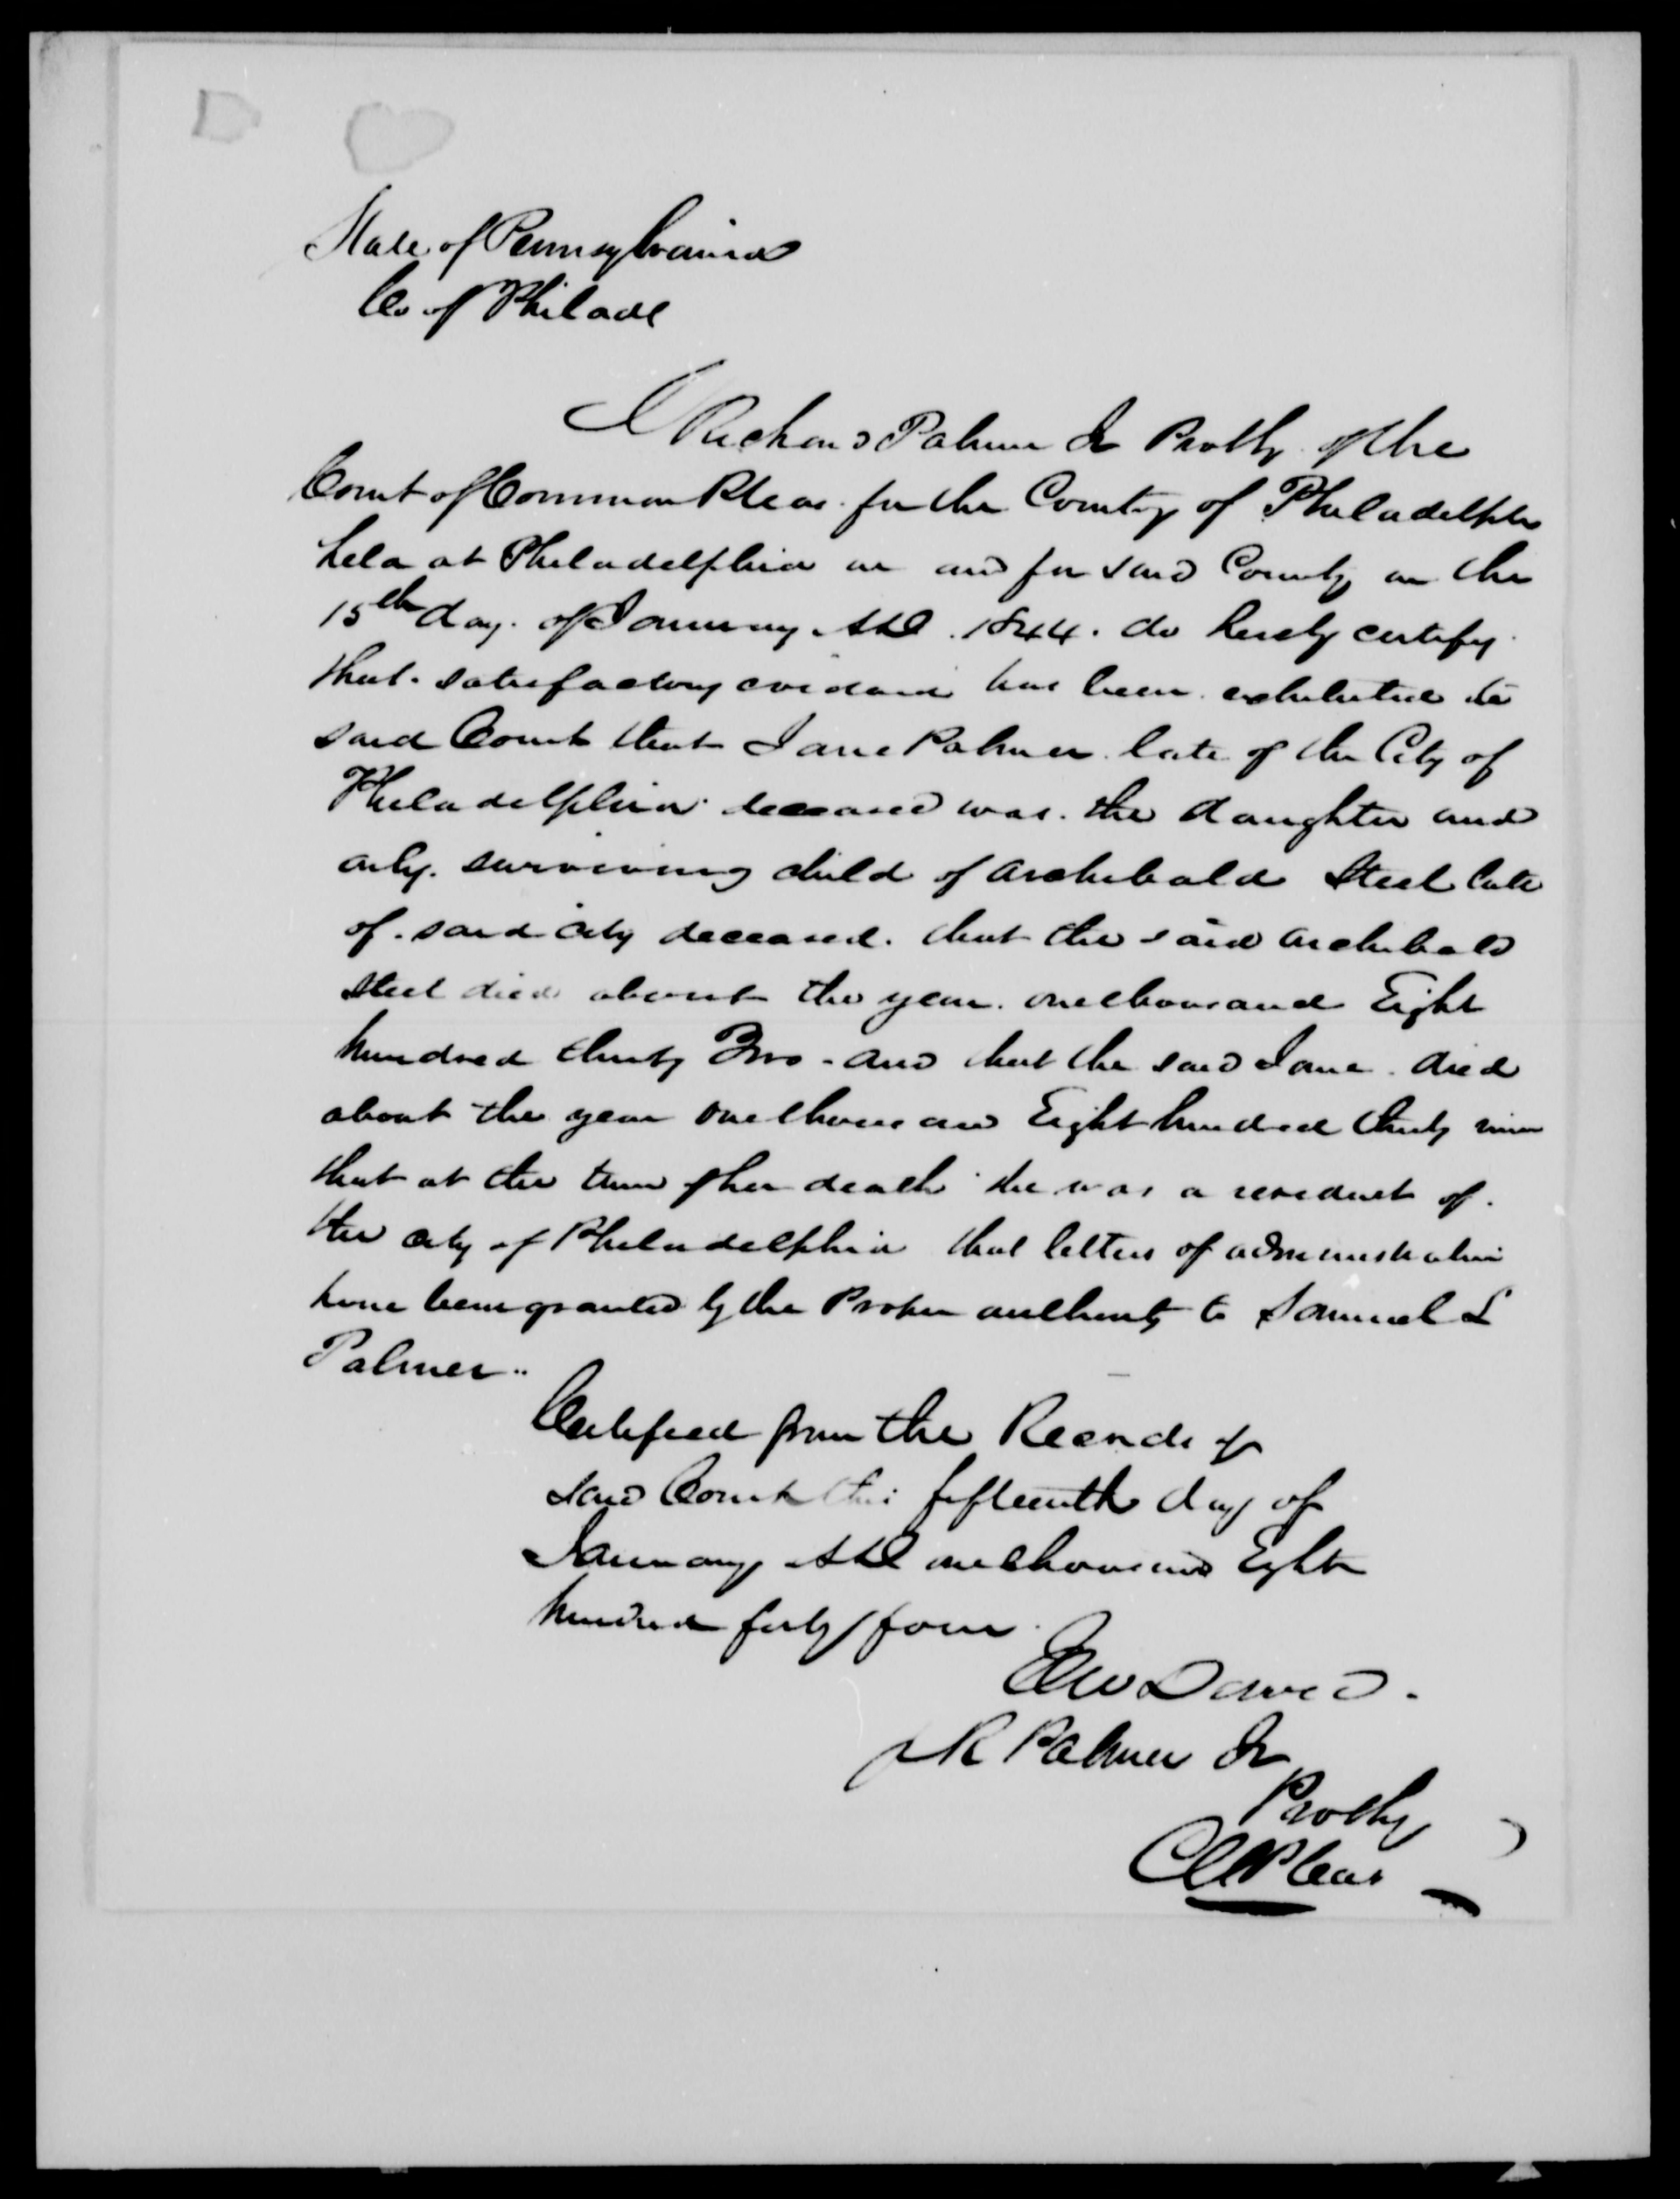State of Pennsylvania
County of Philadelphia

I, Richard Palmer, Party of the Court of Common Pleas for the County of Philadelphia, held at Philadelphia in and for said County in the 15th day of January AD. 1844, do hereby certify that satisfactory evidence has been exhibited to said Court that Jane Palmer, late of the City of Philadelphia, deceased, was the daughter and only surviving child of Archibald Steele, late of said City deceased. that the said Archibald Steel died about the year one thousand Eight hundred thirty two and that the said Jane died about the year one thousand Eight hundred thirty seven in
that at the time the death she was a resident of the City of Philadelphia that letters of administrator and that letters of administration have been granted by the proper authority to Samuel L Palmer.

Certified from the Records of said Court this fifteenth day of January A D one thousand Eight hundred forty four 

David
Pance or Prothe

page: 9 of 28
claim: survivor's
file: S. 7601, for Archibald Steel, Pennsylvania